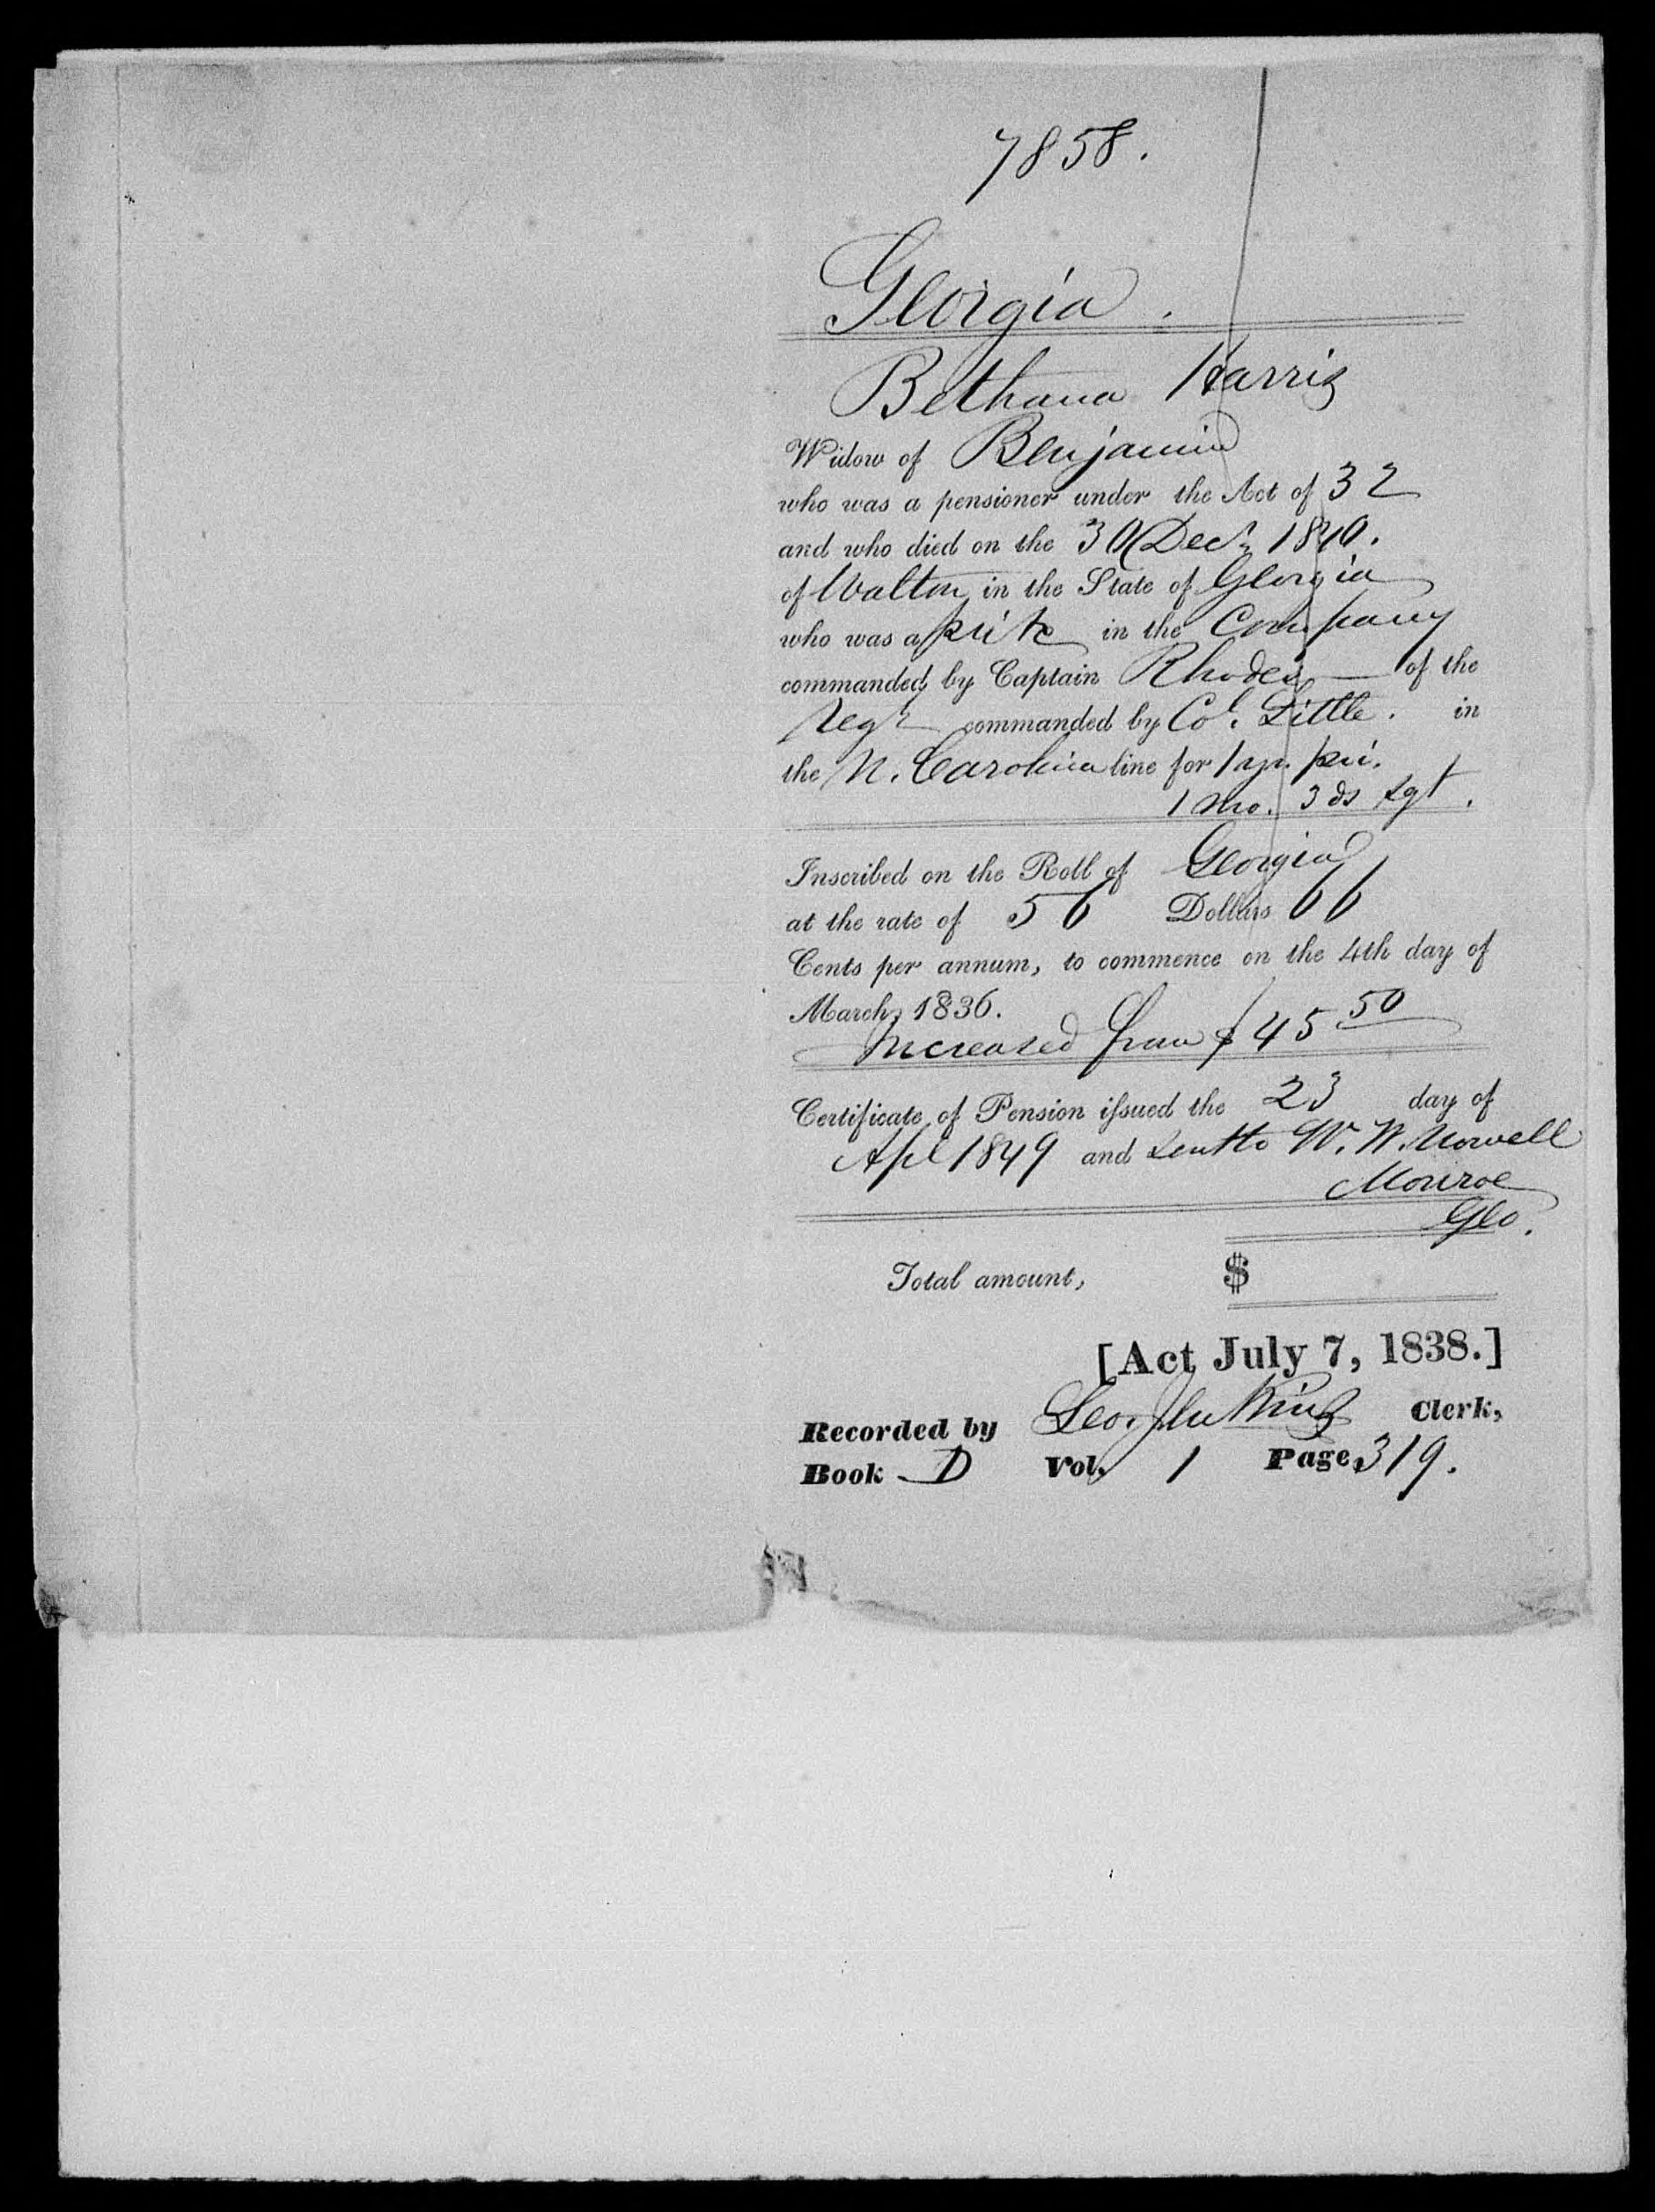7858 
Georgia 
Bethana Harris Widow of Benjamin who was a pensioner under the Act of 32 and who died on the 30 Dec 1840 of Walton in the State of Georgia who was a Private in the Company by commanded by Captain Rhodes of the Regt commanded by Col Little in the N. Carolina line for days priv 1 m 2ds Sgt.line 

Inscribed on the Roll of Georgia at the rate of 56 Dollars 66 Cents per annum, to commence on the 4th day of March 1836. Increased from $45.50 

Certificate of Pension issued the 23d day of Apl 1849 and sent to W. W. Howell Monroe Geo.

Total amount, 
Act July 7, 1838. 

Recorded by Leo Jenkins Clerk
 Book D Vol 1 Page 319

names: W W Nowell, Benjamin Harris, Little, Bethana Harris, Leo Jenkins, Rhodes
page: 26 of 62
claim: survivor's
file: S. 38816, Benjamin Harris, Mass.